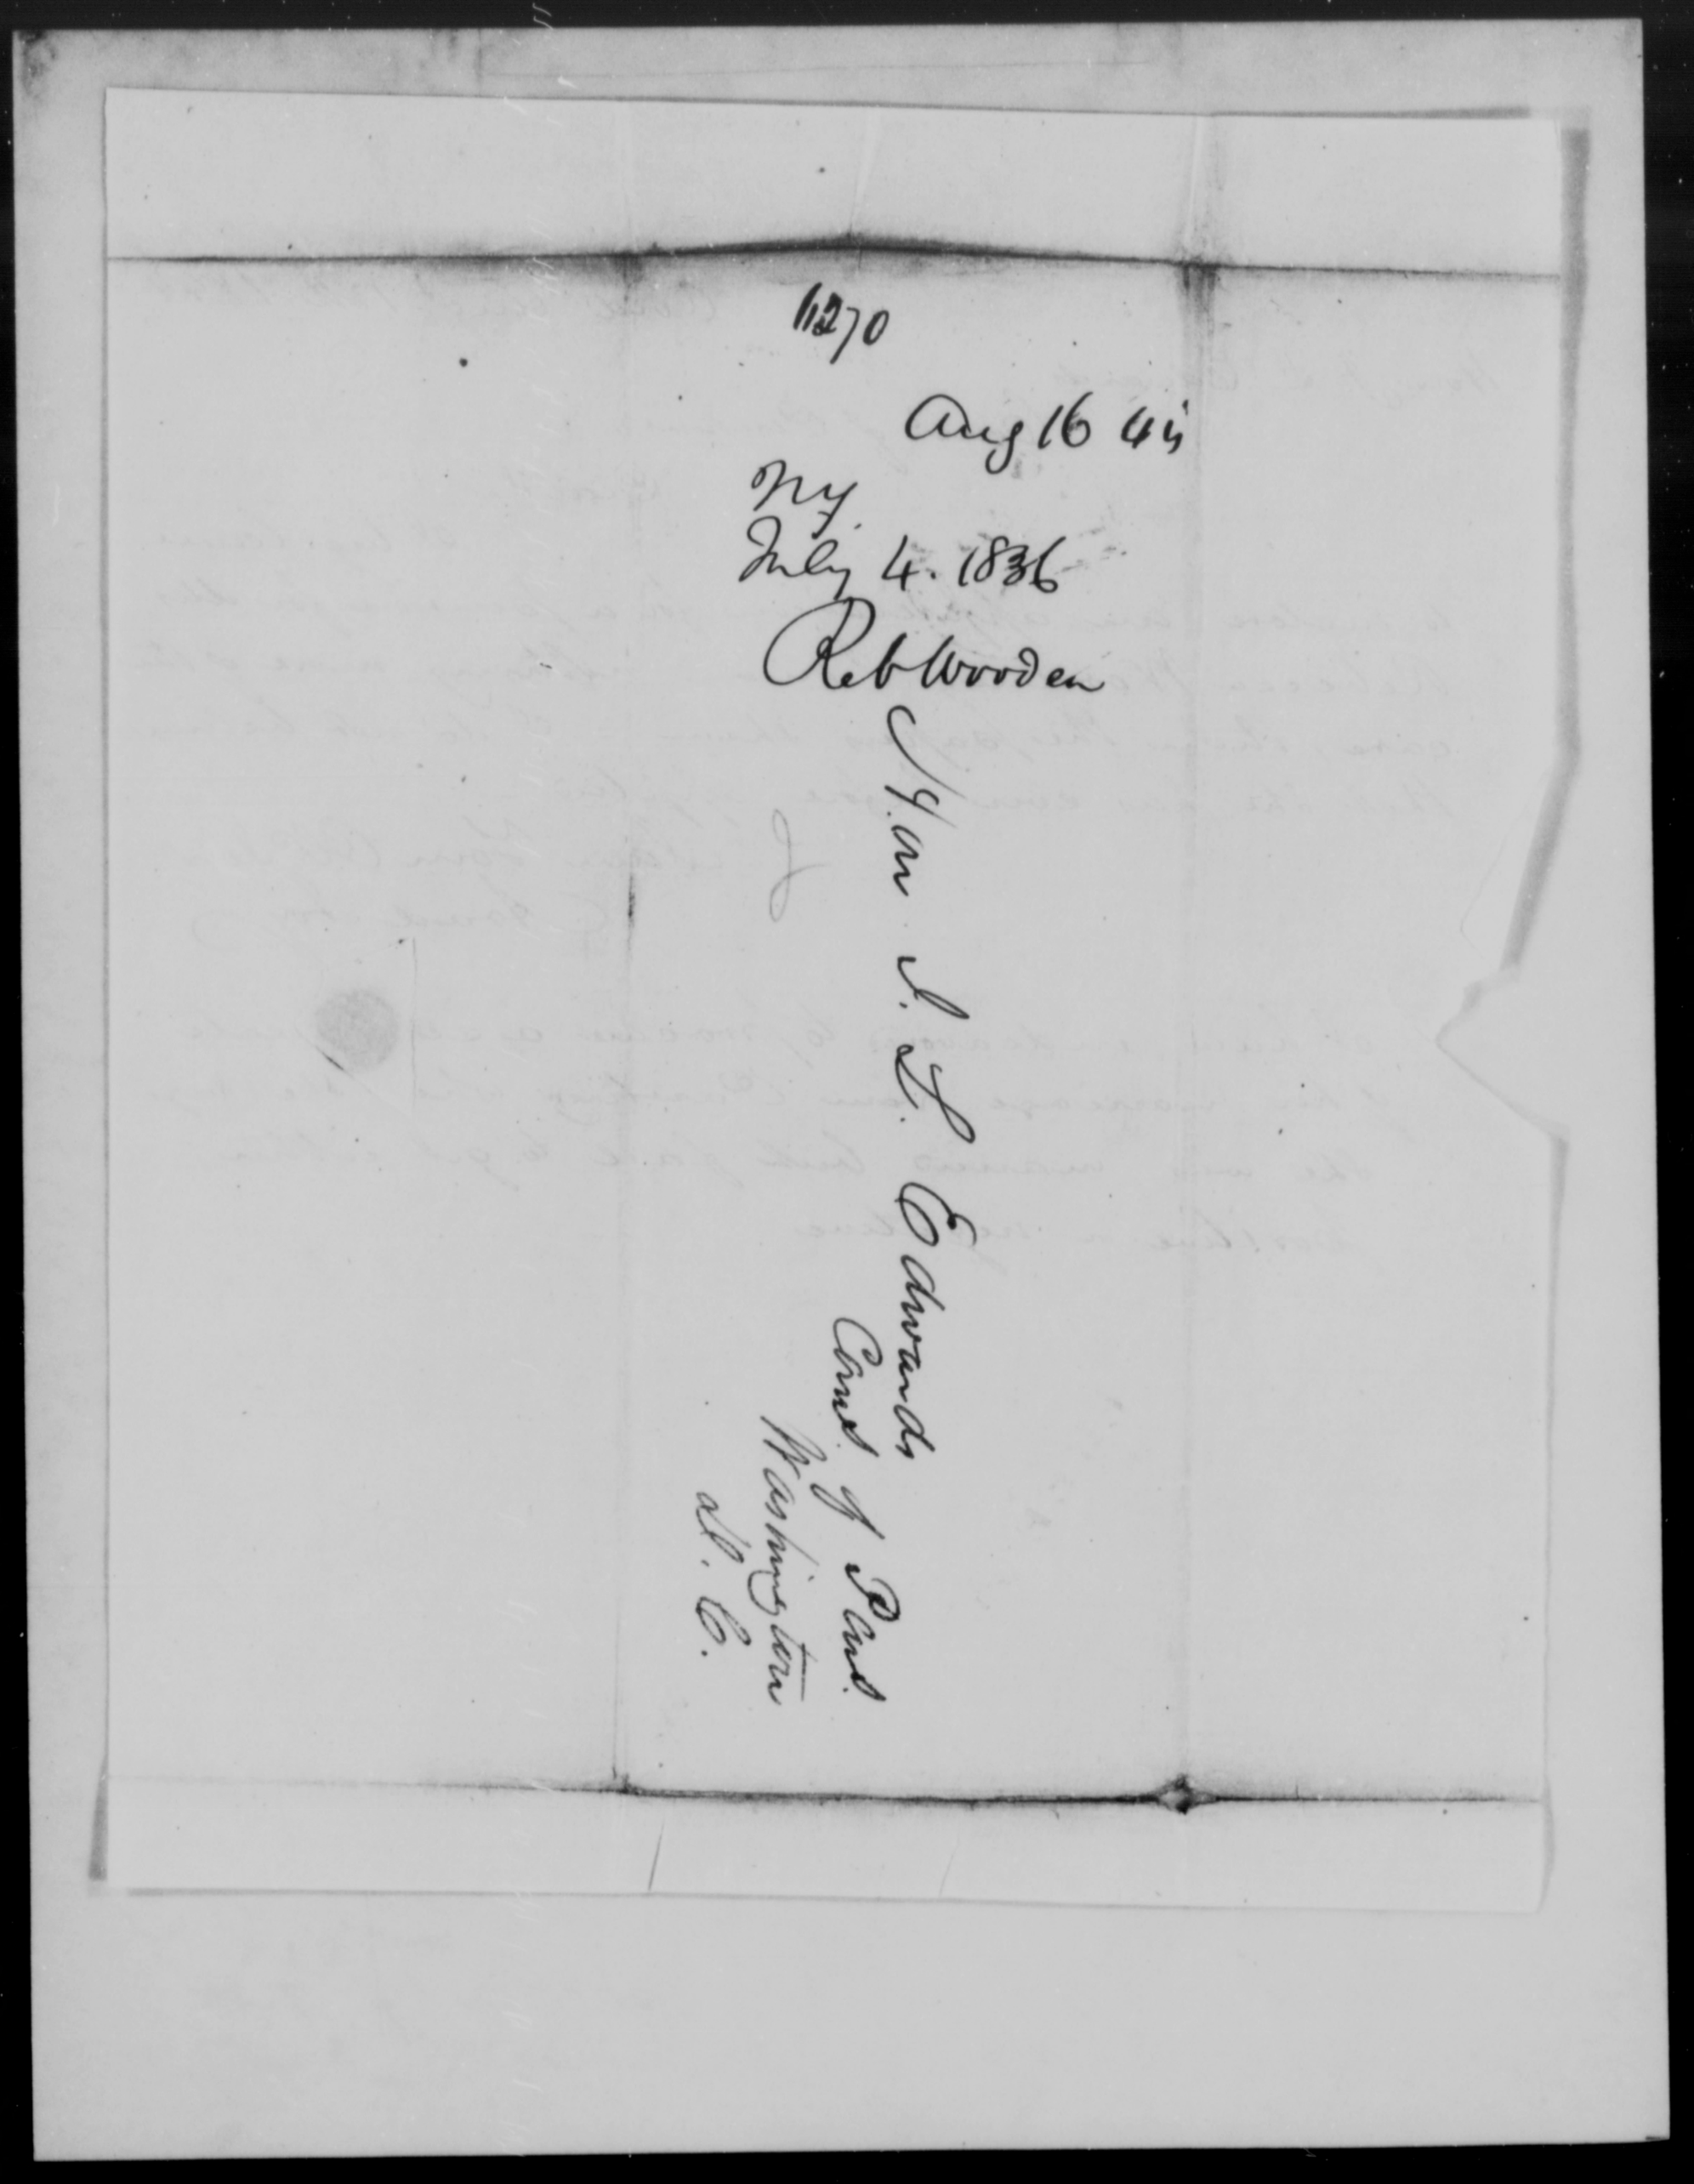6270
Aug 16 45
NY.
July 4. 1836
Reb Wooden


Hon J. L.Edwards
Comr of Pens.
Washington
D. C.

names: J L Edwards, Reb Wooden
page: 65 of 77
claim: widow's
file: W. 19658, John Woodin, New York